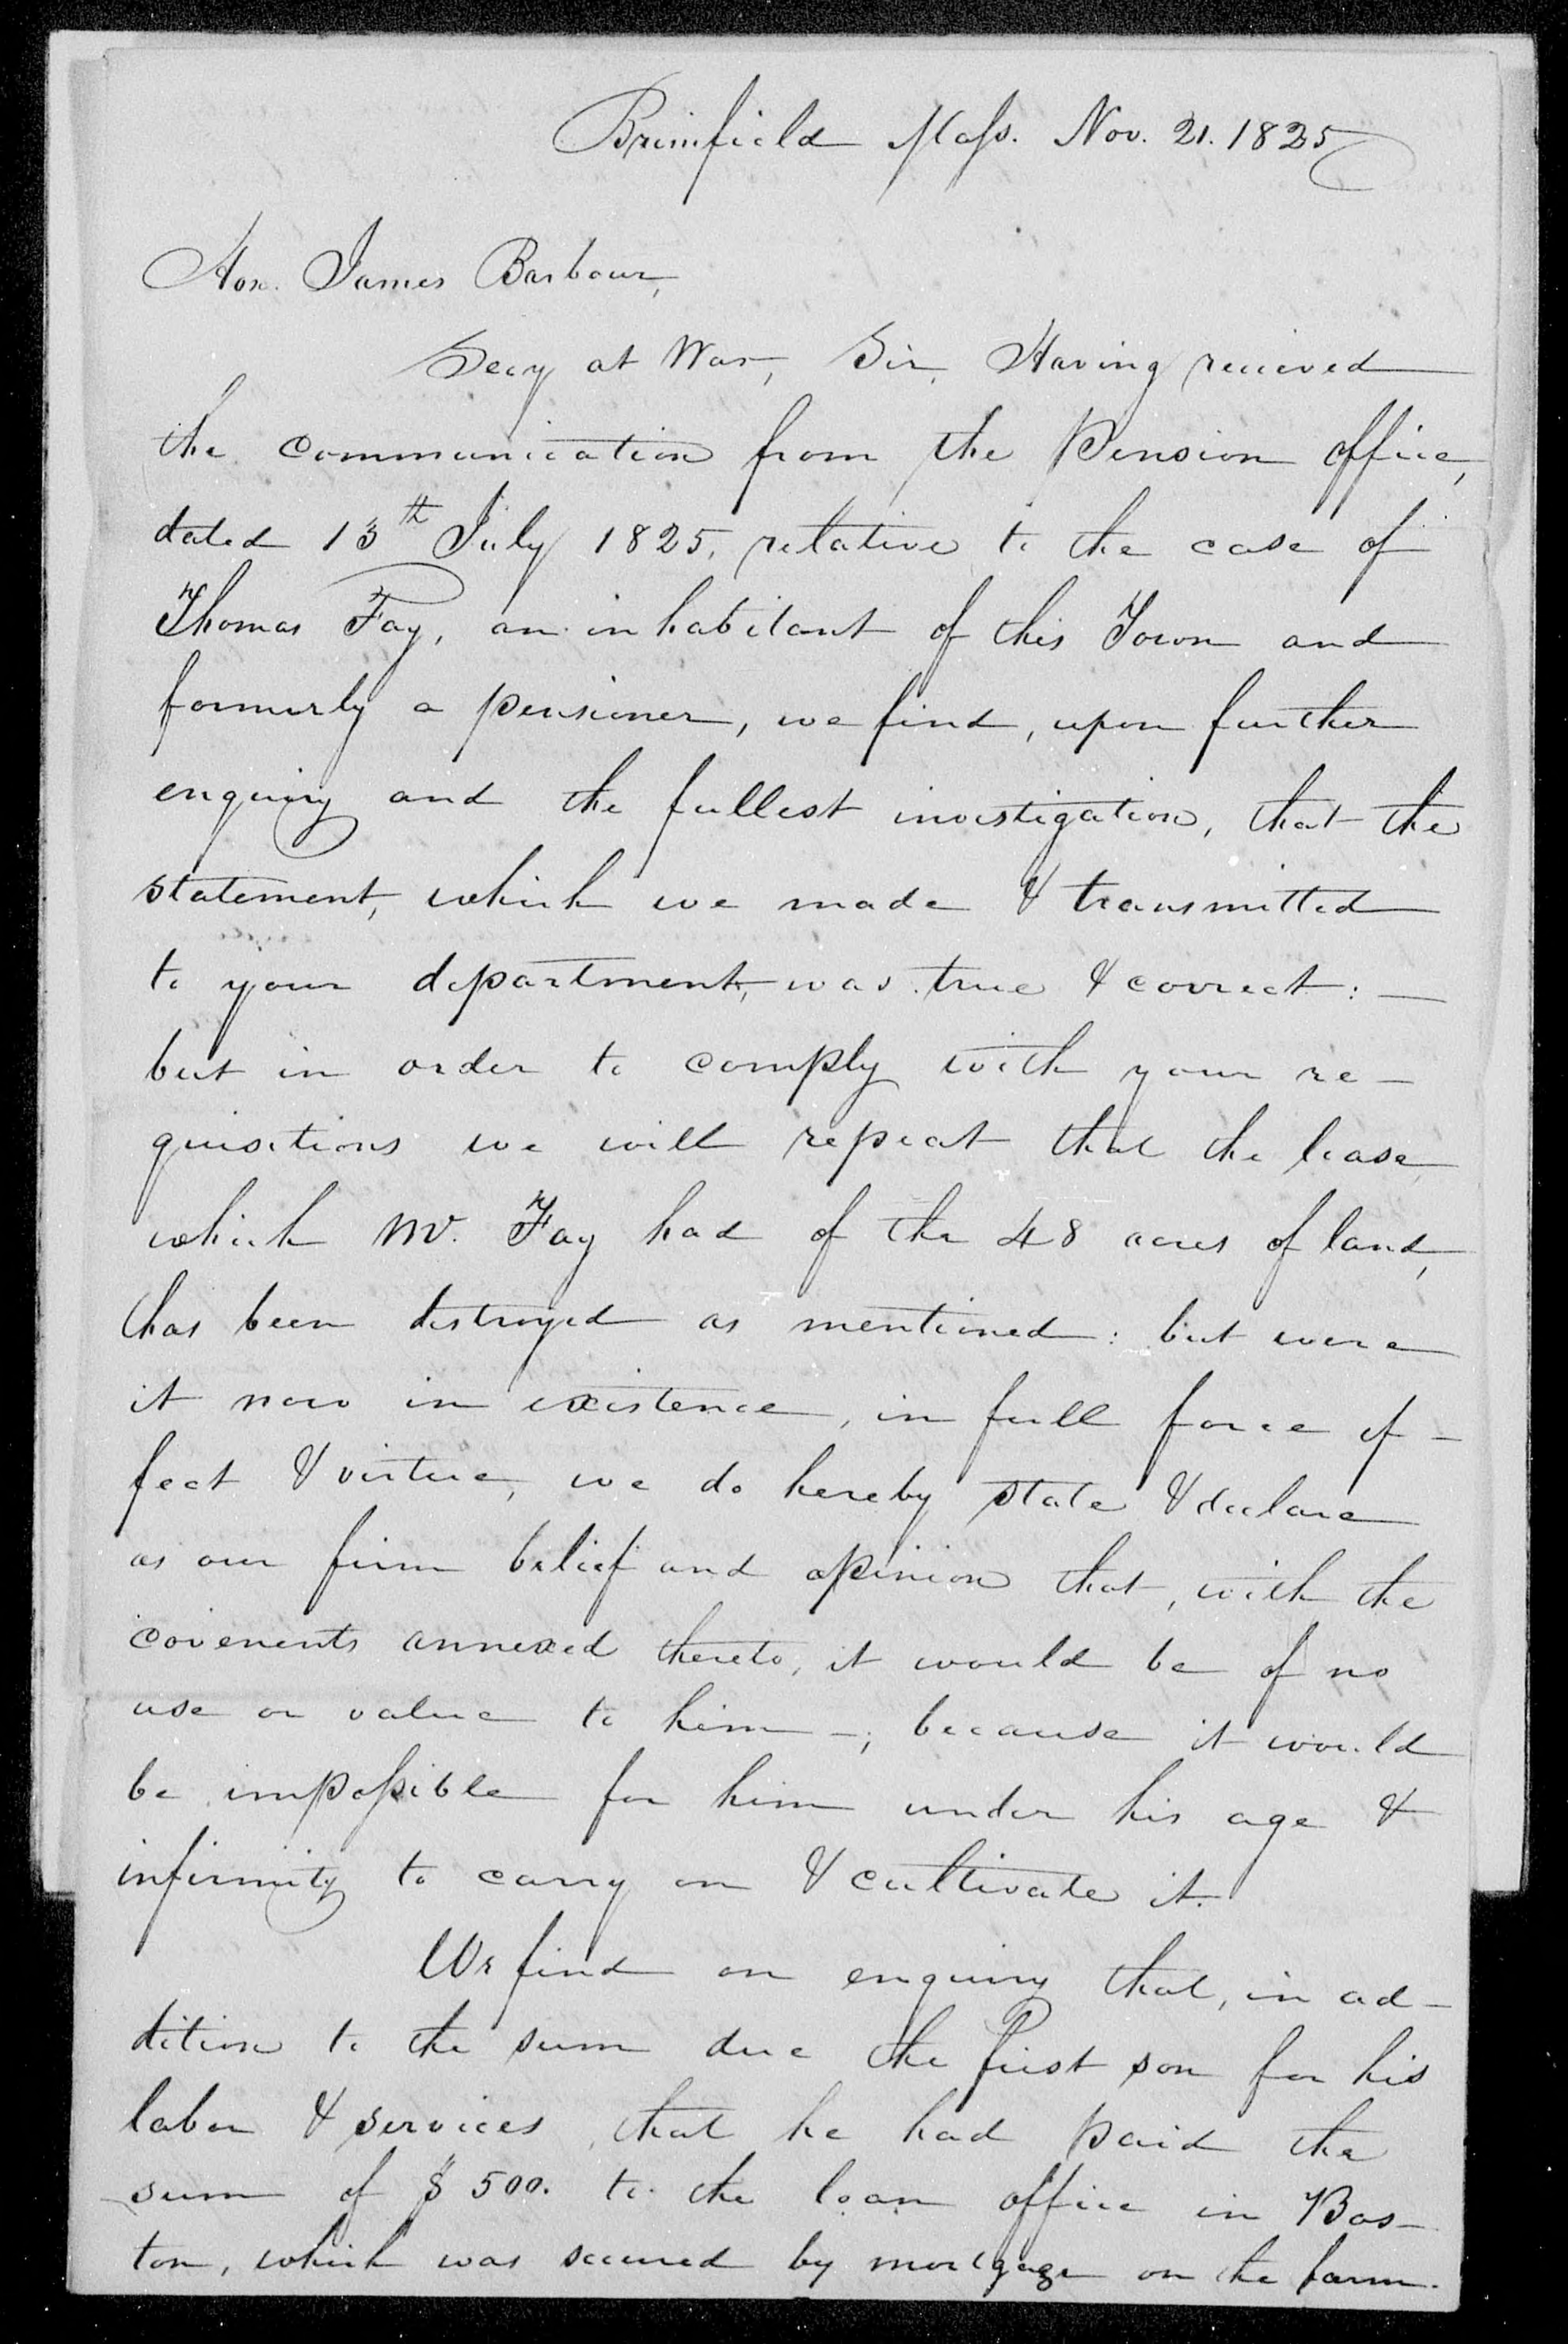Brimfield Mass. Nov. 21. 1825

Hon. James Barbour
Secy  at War. Sir. Having received the communication from the pension office
dated 13 July 1825, relative to the case of
Thomas Fay, an inhabitant of this Town and
formerly a pensioner, we find upon further
enquiry and the fullest investigation, that the
statement which we made & transmitted to your department, was true & correct:
but in order to comply with your requisitions we will repeat that the lease which Mr. Fay has of the 48 acres of land has been destroyed as mentioned; but were it now in existence
in full force of fact  & virtue, we do hereby state & declare as our firm belief and opinion that with the covenants annexed thereto, it would be of no use or value to him because if could be impossible for him under his age & 
infirmity to carry on & cultivate it

We find on enquiry that in addition to the sum due the first son for his labor & services that he had paid the sum of $500. to the loan office in Boston, which was secured by mortgage on the farm.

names: Thomas Fay, James Barbour, Fay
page: 17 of 31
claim: survivor's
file: S. 34,839, Thomas Fay, Mass.